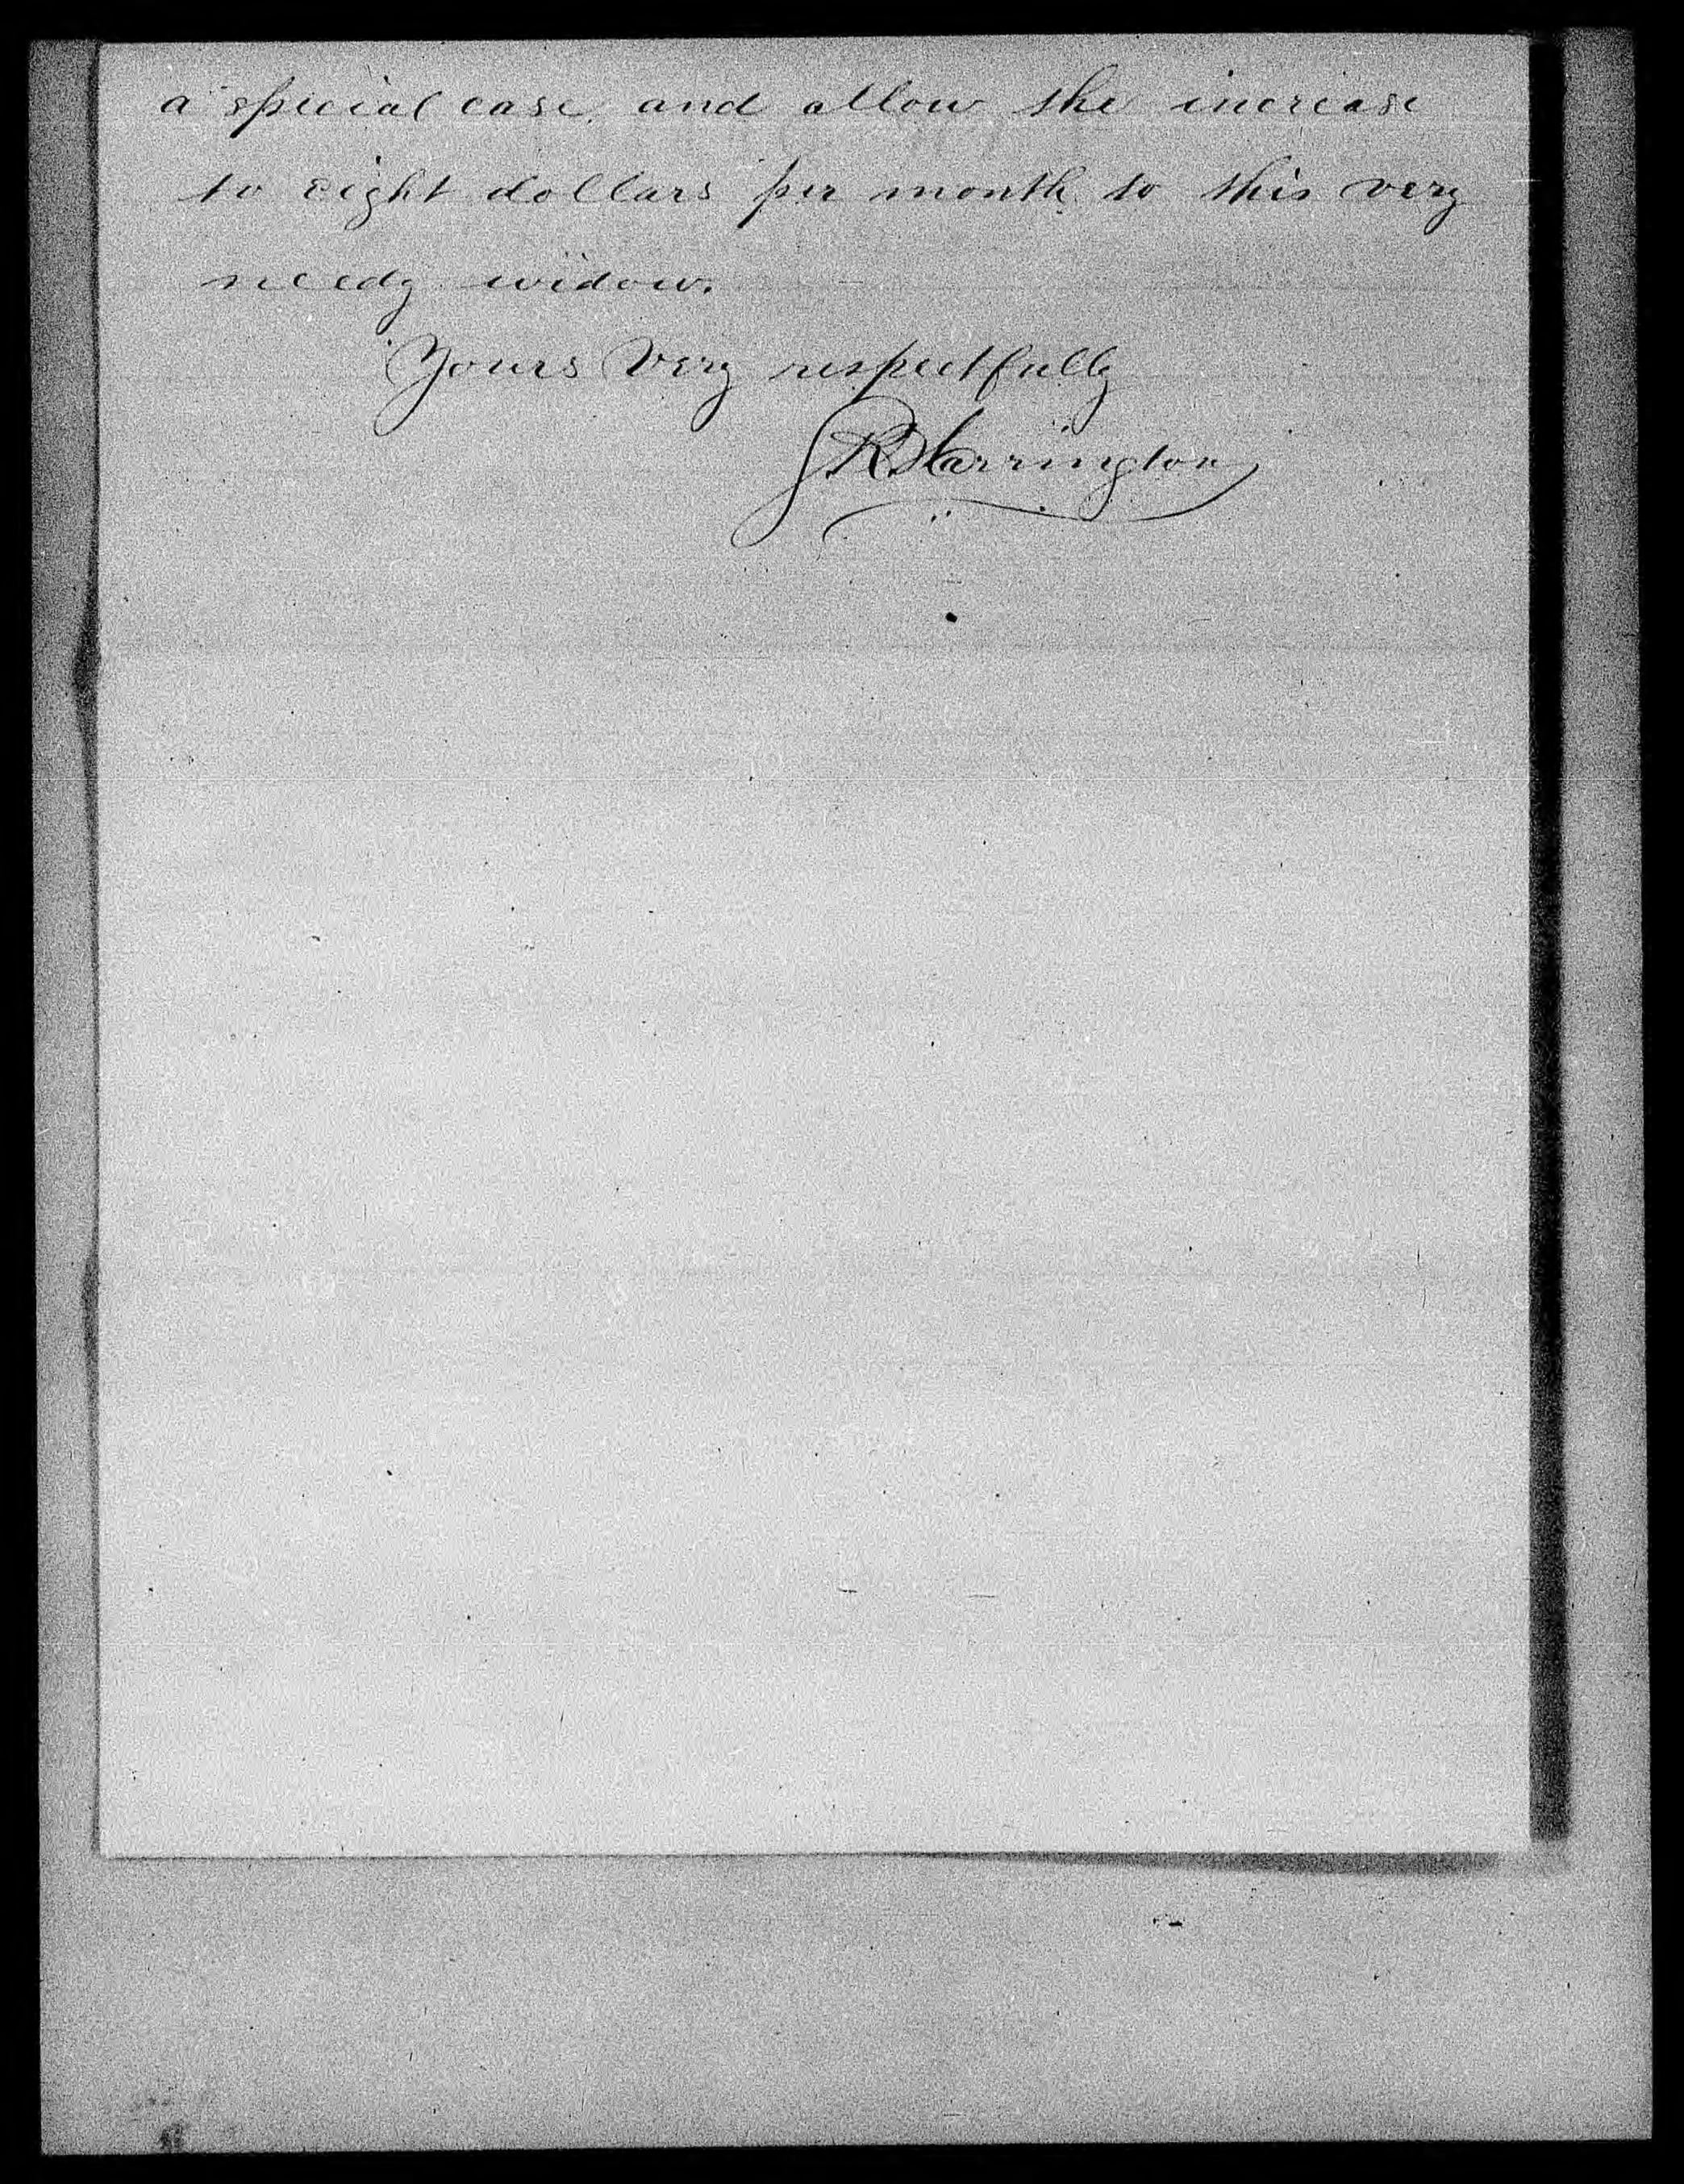a special case and allow the increase to eight dollars per month to this very needy widow.

Yours very respectfully
S R Harrington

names: S R Harrington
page: 97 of 115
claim: widow's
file: W. 1446, for John Mc Clung, South Carolina